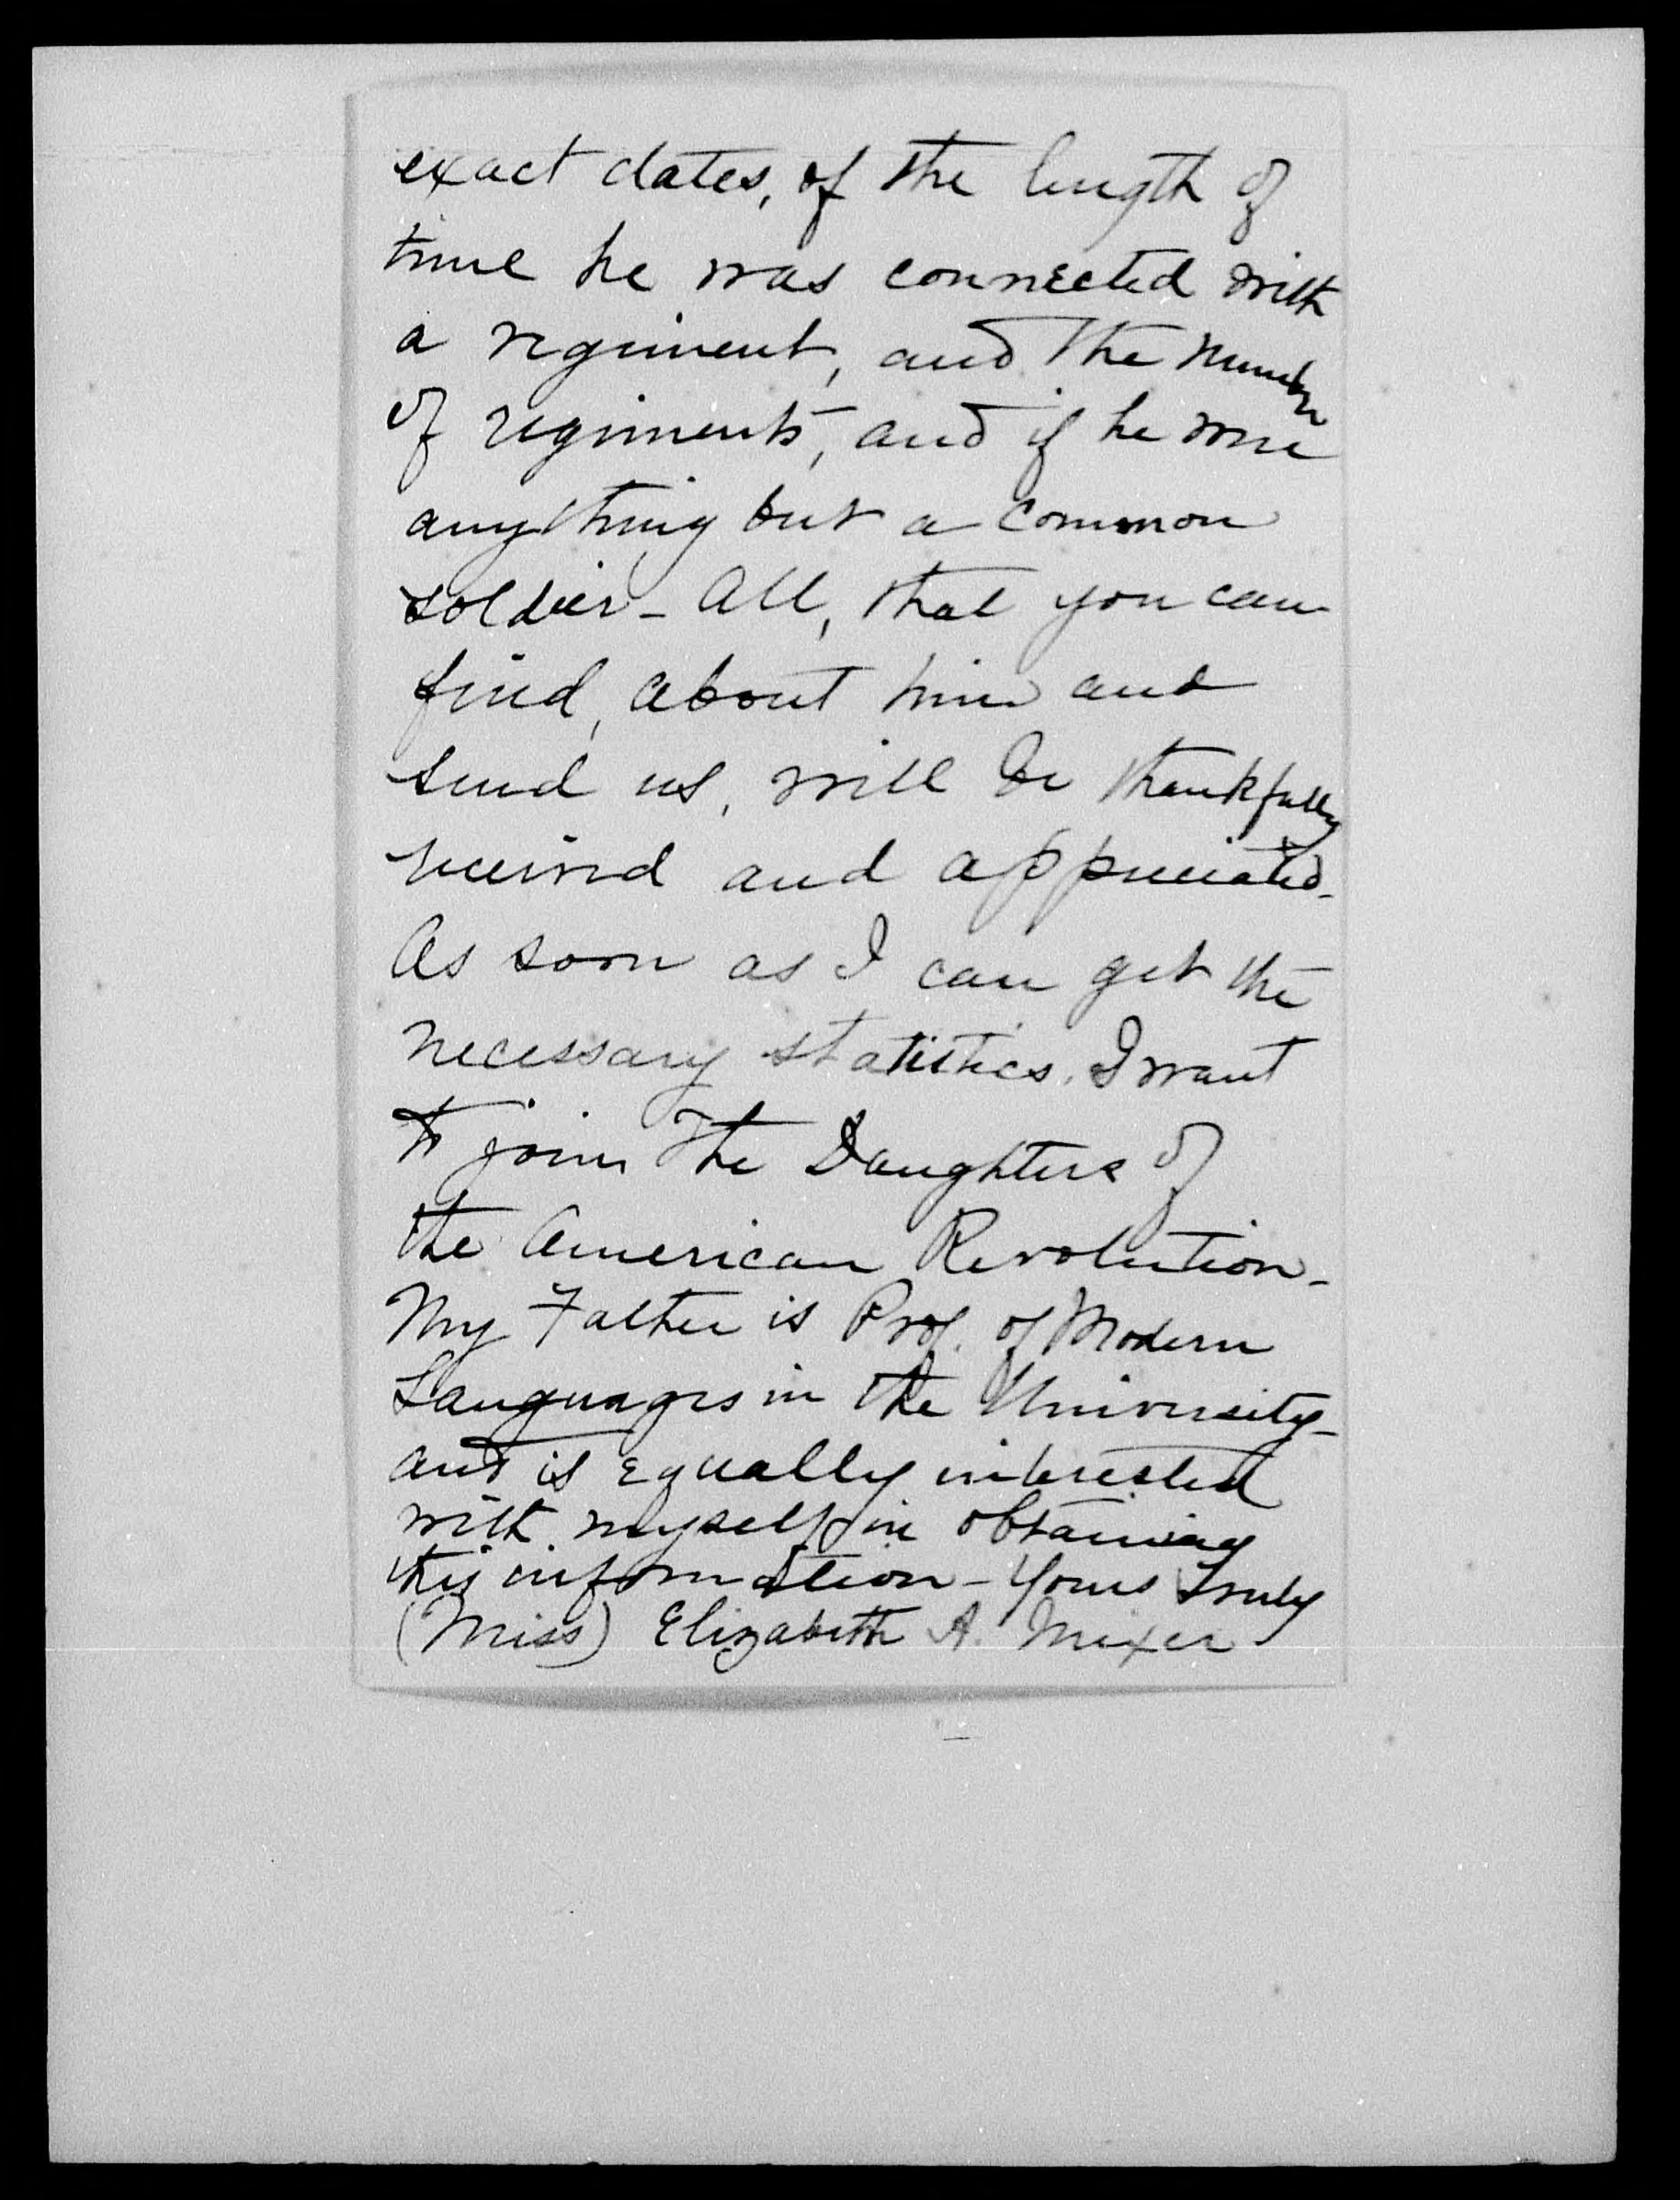exact dates, of the length of time he was connected with a regiment, and the number of regiments, and if was anything but a common soldier _ all, that you can find, about him and send us, will be thankfully received and appreciated.  As soon as I can get the necessary statistics, I want to join the Daughters of the American Revolution.
My Father is Prof of Modern Languages in the University and is equally interested with myself in obtaining this information.
 Your struly (Miss) Elizabeth A. Mixer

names: Elizabeth A Mixer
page: 25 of 33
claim: survivor's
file: S 43571, Thomas Frink, Mass.